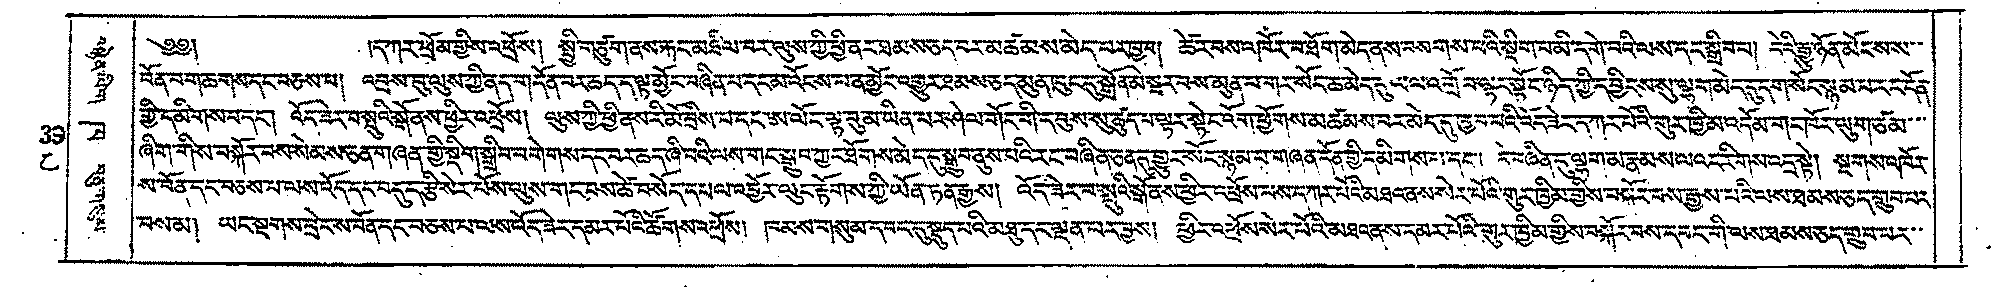༄༅། །དཀར་ཕྲོམ་གྱིས་འཕྲོས། སྤྱི་གཙུག་ནས་རྐང་མཐིལ་བར་ལུས་ཀྱི་ཕྱི་ནང་ཐམས་ཅད་བར་མཚམས་མེད་པར་ཁྱབ། ཚེ་རབས་འཁོར་བ་ཐོག་མེད་ནས་བསགས་པའི་སྡིག་པ་མི་དགེ་བའི་ལས་དང་སྒྲིབ་པ། དེའི་རྒྱུ་ཉོན་མོངས་ས་་་
བོན་བག་ཆགས་དང་བཅས་པ། འབྲས་བུ་ལུས་ཀྱི་ནད་གདོན་བར་ཆད་ད་ལྟ་མྱོང་བཞིན་པ་དང་མ་འོངས་པ་ན་མྱོང་འགྱུར་ཐམས་ཅད་མུན་ཁུང་དུ་སྒྲོན་མེ་སྦར་བས་མུན་པ་གར་སོང་ཆ་མེད་དུ་ཡལ་འགྲོ་བ་ལྟར་སྟོང་ཉིད་ཀྱི་དབྱིངས་སུ་ལྷག་མེད་དུ་དག་སོང་སྙམ་པ་རང་དོན་
གྱི་དམིགས་པ་དང་། འོད་ཟེར་བ་སྤུའི་སྒོ་ནས་ཕྱིར་འཕྲོས། ལུས་ཀྱི་ཕྱི་ནས་རི་མོ་བྲིས་པ་དང་ཨ་ལོང་ལྟ་བུ་མ་ཡིན་པར་ཤེལ་གོང་གི་དབུས་སུ་ཚུད་པ་ལྟར་སྟེང་འོག་ཕྱོགས་མཚམས་བར་མེད་དུ་ཁྱབ་པའི་འོད་ཟེར་དཀར་པོའི་གུར་ཁྱིམ་འདོམ་གང་ཁོར་ཡུག་ཙམ་་་
ཞིག་གིས་བསྐོར་བས་སེམས་ཅན་གཞན་གྱི་སྡིག་སྒྲིབ་བགེགས་དང་བར་ཆད་ཞི་བའི་ལས་གང་སྒྲུབ་ཀྱང་ཐོགས་མེད་དུ་སྒྲུབ་ནུས་པའི་རང་བཞིན་ཅན་དུ་གྱུར་སོང་སྙམ་པ་གཞན་དོན་གྱི་དམིགས་པ་དང་། དེ་བཞིན་དུ་ལྷག་མ་རྣམས་ལའང་རིགས་འདྲ་སྟེ། སྔགས་འཁོར་
ས་བོན་དང་བཅས་པ་ལས་འོད་དང་བདུད་རྩི་སེར་པོས་ལུས་གང་བས་ཚེ་བསོད་དཔལ་འབྱོར་ལུང་རྟོགས་ཀྱི་ཡོན་ཏན་རྒྱས། འོད་ཟེར་བ་སྤུའི་སྒོ་ནས་ཕྱིར་འཕྲོས་པས་དཀར་པོའི་མཐའ་ནས་སེར་པོའི་གུར་ཁྱིམ་གྱིས་བསྐོར་བས་རྒྱས་པའི་ལས་ཐམས་ཅད་གྲུབ་པར་
བསམ། ཡང་སྔགས་ཕྲེང་ས་བོན་དང་བཅས་པ་ལས་འོད་ཟེར་དམར་པོའི་ཚོགས་འཕྲོས། ཁམས་གསུམ་དབང་དུ་སྡུད་པའི་མཐུ་དང་ལྡན་པར་བྱས། ཕྱིར་འཕྲོས་སེར་པོའི་མཐའ་ནས་དམར་པོའི་གུར་ཁྱིམ་གྱིས་བསྐོར་བས་དབང་གི་ལས་ཐམས་ཅད་གྲུབ་པར་་་